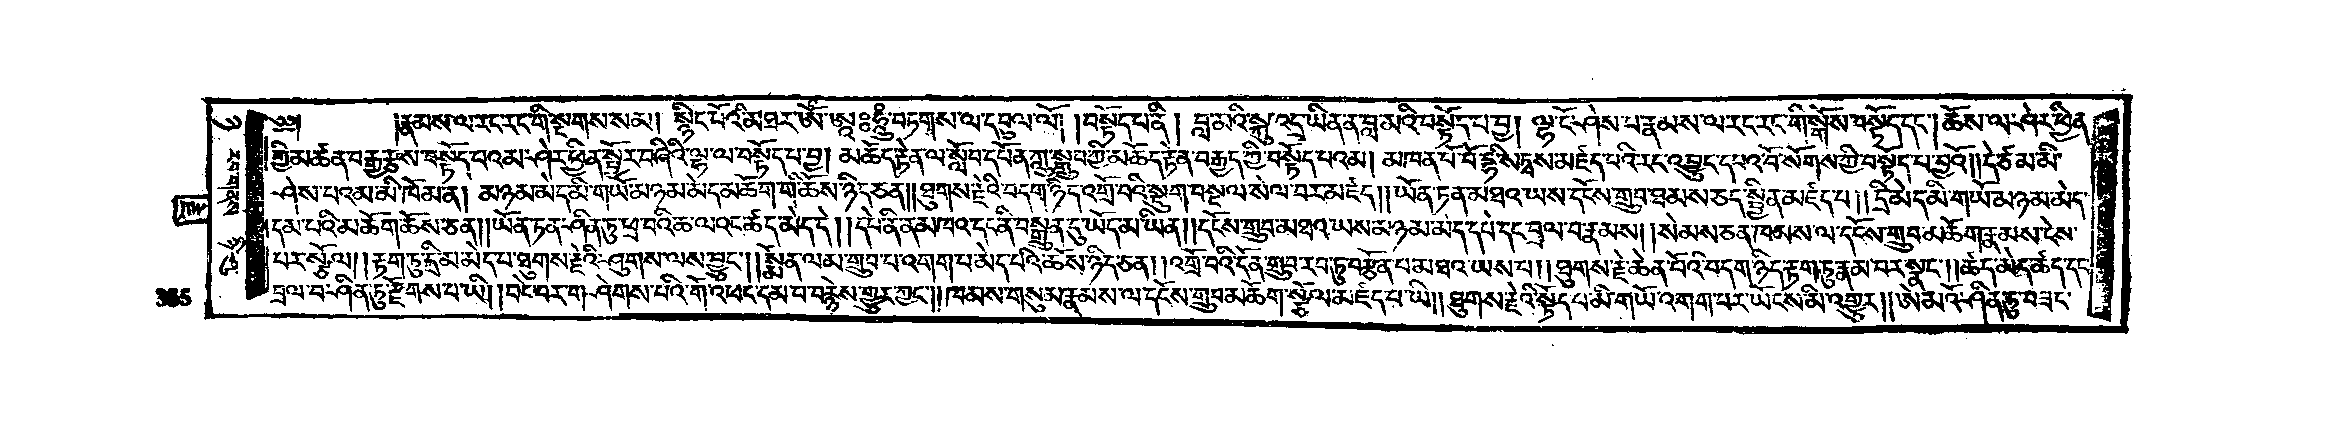༄༅། །རྣམས་ལ་རང་རང་གི་སྔགས་སམ། སྙིང་པོའི་མཐར་ཨོཾ་ཨཱཿ ཧཱུཾ་བཏགས་ལ་དབུལ་ལོ། །བསྟོད་པ་ནི། བླ་མའི་སྐུ་འདྲ་ཡིན་ན་བླ་མའི་བསྟོད་པ་བྱ། ལྷ་ངོ་ཤེས་པ་རྣམས་ལ་རང་རང་གི་སྒོས་བསྟོད་དང་། ཆོས་ལ་ཤེར་ཕྱིན་
གྱེ་མཚན་བརྒྱ་རྩས་བསྟོད་པའམ་ཤེར་ཕྱིན་སྦྱོར་བཞིའི་ལྷ་ལ་བསྟོད་པ་བྱ། མཆོད་རྟེན་ལ་སློབ་དཔོན་ཀླུ་སྒྲུབ་ཀྱི་མཆོད་རྟེན་བརྒྱད་ཀྱི་བསྟོད་པའམ། མཁན་པོ་བོ་དྷི་སཏྭས་མཛད་པའི་རང་འབྱུང་དཔའ་བོ་སོགས་ཀྱི་བསྟོད་པ་བྱའོ། །དེ་ཙམ་མི་
ཤེས་པའམ་མི་ཁོམ་ན། མཉམ་མེད་མི་གཡོ་མཉམ་མེད་མཆོག་གི་ཆོས་ཉིད་ཅན། །ཐུགས་རྗེའི་བདག་ཉིད་འགྲོ་བའི་སྡུག་བསྔལ་སེལ་བར་མཛད། །ཡོན་ཏན་མཐའ་ཡས་དངོས་གྲུབ་ཐམས་ཅད་སྦྱིན་མཛད་པ། །དྲི་མེད་མི་གཡོ་མཉམ་མེད་
དམ་པའི་མཆོག་ཆོས་ཅན། །ཡོན་ཏན་ཤིན་ཏུ་ཕྲ་བའི་ཆ་ལའང་ཚད་མེད་དེ། །དཔེ་ནི་ནམ་མཁའ་དང་ནི་བསྒྲུན་དུ་ཡོད་མ་ཡིན། །དངོས་གྲུབ་མཐའ་ཡས་མཉམ་མེད་དཔེ་དང་བྲལ་བ་རྣམས། །སེམས་ཅན་ཁམས་ལ་དངོས་གྲུབ་མཆོག་རྣམས་ངེས་
པར་སྩོལ། །རྟག་ཏུ་དྲི་མ་མེད་པ་ཐུགས་རྗེའི་ཤུགས་ལས་བྱུང་། །སྨོན་ལམ་གྲུབ་པ་འགག་པ་མེད་པའི་ཆོས་ཉིད་ཅན། །འགྲོ་བའི་དོན་གྲུབ་རབ་ཏུ་བརྩོན་པ་མཐའ་ཡས་པ། །ཐུགས་རྗེ་ཆེན་པོའི་བདག་ཉིད་རྟག་ཏུ་རྣམ་པར་སྣང་། །ཚད་མེད་ཚད་དང་
བྲལ་བ་ཤིན་ཏུ་རྫོགས་པ་ཡི། །བདེ་བར་གཤེགས་པའི་གོ་འཕང་དམ་པ་བརྙེས་གྱུར་ཀྱང་། །ཁམས་གསུམ་རྣམས་ལ་དངོས་གྲུབ་མཆོག་སྩོལ་མཛད་པ་ཡི། །ཐུགས་རྗེའི་སྤྱོད་པ་མི་གཡོ་འགག་པར་ཡོངས་མི་འགྱུར། །ཨེ་མའོ་ཤིན་ཏུ་བཟང་